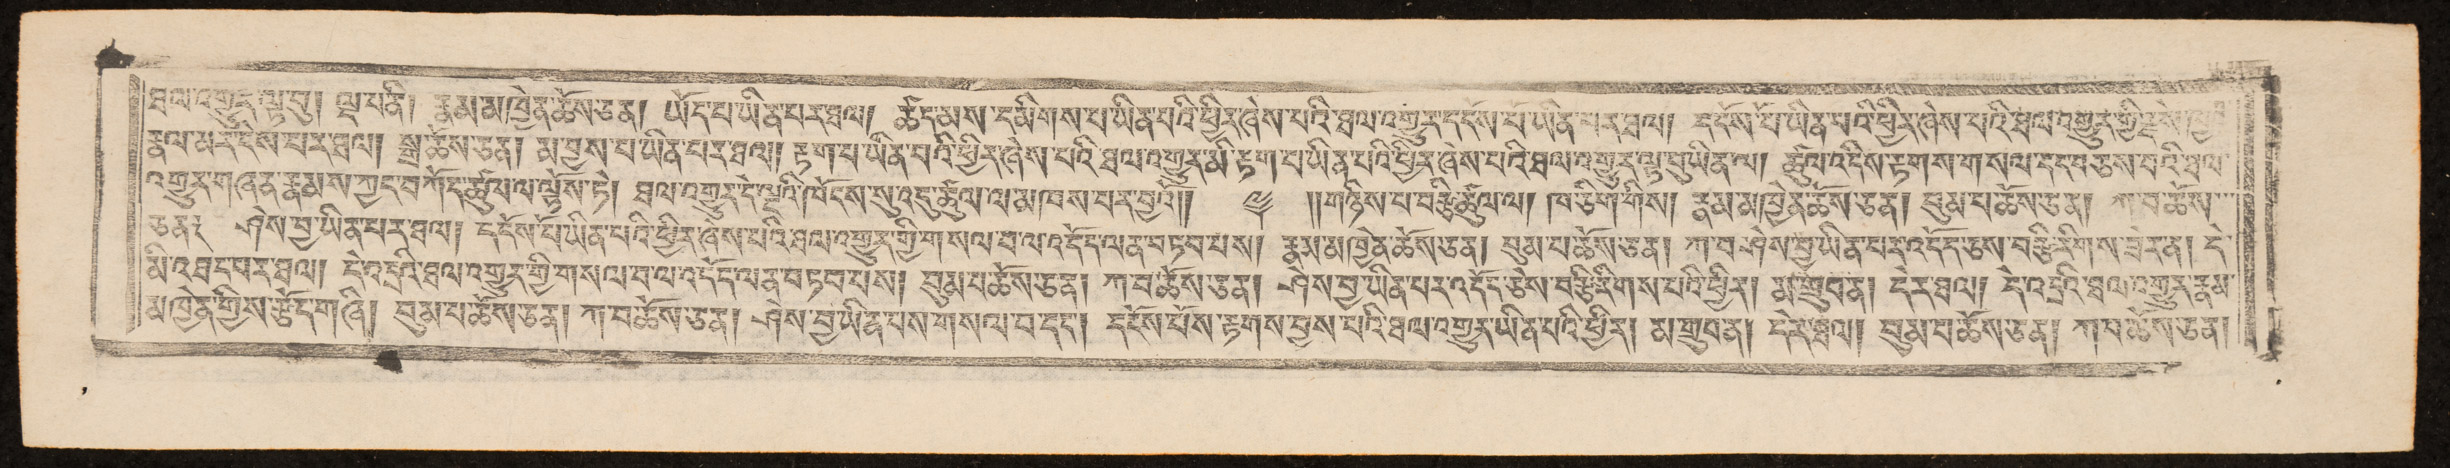ཐལ་འགྱུར་ལྟ་བུ། ལྔ་པ་ནི། རྣམ་མཁྱེན་ཆོས་ཅན། ཡོད་པ་ཡིན་པར་ཐལ། ཚད་མས་དམིགས་པ་ཡིན་པའི་ཕྱིར་ཞེས་པའི་ཐལ་འགྱུར་དངོས་པོ་ཡིན་པར་ཐལ། དངོས་པོ་ཡིན་པའི་ཕྱིར་ཞེས་པའི་ཐལ་འགྱུར་གྱི་རྗེས་ཁྱབ་
རྣལ་མར་ངེས་པར་ཐལ། སྒྲ་ཆོས་ཅན། མ་བྱས་པ་ཡིན་པར་ཐལ། རྟག་པ་ཡིན་པའི་ཕྱིར་ཞེས་པའི་ཐལ་འགྱུར་མི་རྟག་པ་ཡིན་པའི་ཕྱིར་ཞེས་པའི་ཐལ་འགྱུར་ལྟ་བུ་ཡིན་ལ། ཚུལ་འདིས་རྟགས་གསལ་དང་བཅས་པའི་ཐལ་
འགྱུར་གཞན་རྣམས་ཀྱང་བཀོད་ཚུལ་ལ་ལྟོས་ཏེ། ཐལ་འགྱུར་དེ་ལྔའི་ཁོངས་སུ་འདུ་ཚུལ་ལ་མཁས་པར་བྱའོ།། ~་།།གཉིས་པ་བརྩི་ཚུལ་ལ། ཁ་ཅིག་གིས། རྣམ་མཁྱེན་ཆོས་ཅན། བུམ་པ་ཆོས་ཅན། ཀ་བ་ཆོས་
ཅན། ཤེས་བྱ་ཡིན་པར་ཐལ། དངོས་པོ་ཡིན་པའི་ཕྱིར་ཞེས་པའི་ཐལ་འགྱུར་གྱི་གསལ་བ་ལ་འདོད་ལན་བཏབ་པས། རྣམ་མཁྱེན་ཆོས་ཅན། བུམ་པ་ཆོས་ཅན། ཀ་བ་ཤེས་བྱ་ཡིན་པར་འདོད་ཅེས་བརྩི་རིགས་ཟེར་ན། དེ་
མི་འཐད་པར་ཐལ། དེ་འདྲའི་ཐལ་འགྱུར་གྱི་གསལ་བ་ལ་འདོད་ལན་བཏབ་པས། བུམ་པ་ཆོས་ཅན། ཀ་བ་ཆོས་ཅན། ཤེས་བྱ་ཡིན་པར་འདོད་ཅེས་བརྩི་རིགས་པའི་ཕྱིར། མ་གྲུབ་ན། དེར་ཐལ། དེ་འདྲའི་ཐལ་འགྱུར་རྣམ་
མཁྱེན་གྱིས་རྩོད་གཞི། བུམ་པ་ཆོས་ཅན། ཀ་བ་ཆོས་ཅན། ཤེས་བྱ་ཡིན་པས་གསལ་བ་དང་། དངོས་པོས་རྟགས་བྱས་པའི་ཐལ་འགྱུར་ཡིན་པའི་ཕྱིར། མ་གྲུབ་ན། དེར་ཐལ། བུམ་པ་ཆོས་ཅན། ཀ་བ་ཆོས་ཅན།